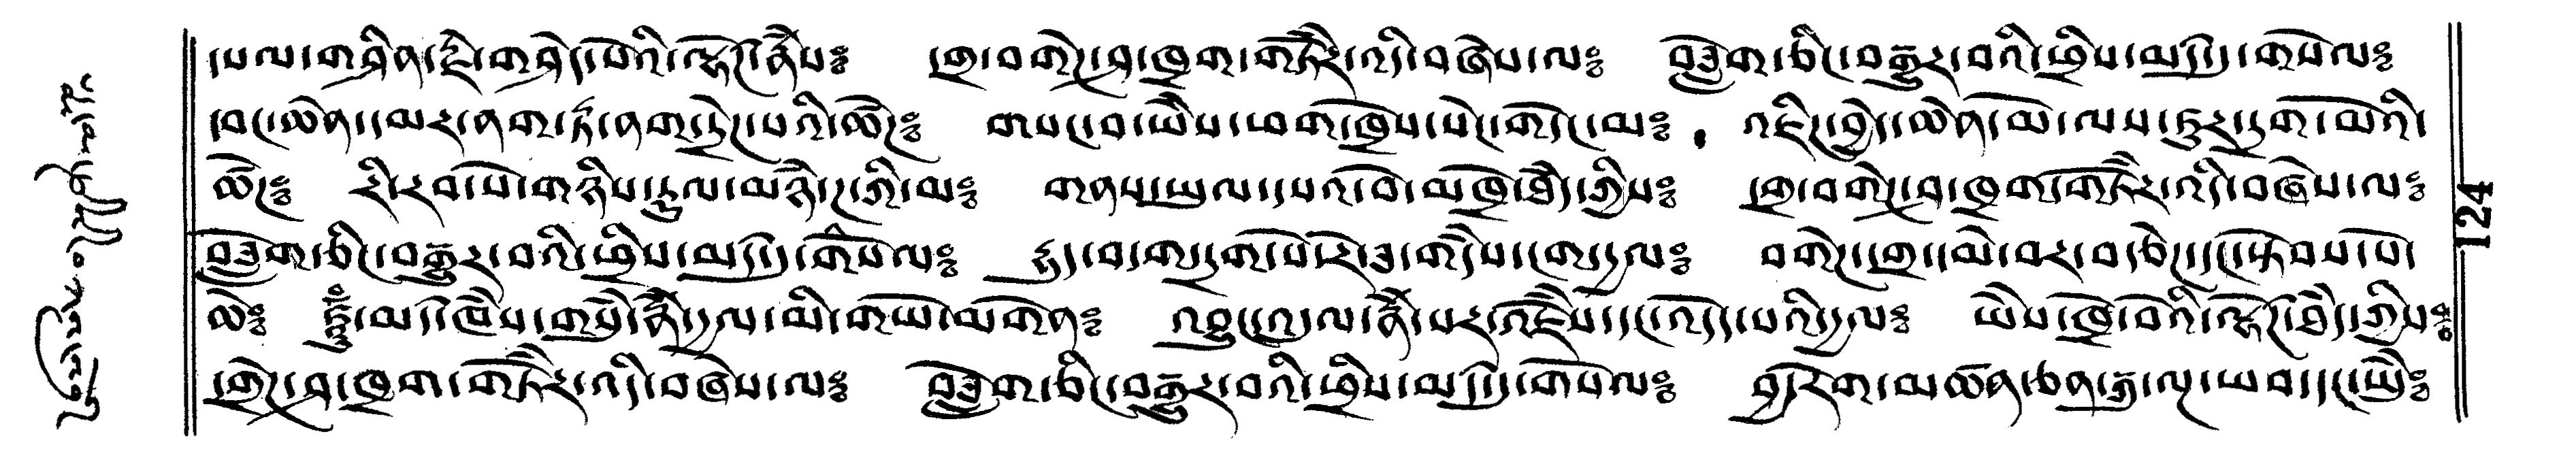དཔལ་གཤིན་རྗེ་གཤེད་པོའི་ལྷ་ཚོགས་རྣམས༔ དགྲ་བགེགས་ཤ་ཁྲག་གཏོར་མ་འདི་བཞེས་ལ༔ བཟློག་ཅིང་བསྒྱུར་བའི་ཕྲིན་ལས་མཛད་དུ་གསོལ༔ 
དབང་ཆེན་དམར་ནག་རྟ་ནག་དྲེགས་པའི་ཚོགས༔ གསང་བ་ཡེ་ཤེས་ཕག་ཁྲོས་སེང་གདོང་མ༔ འཇིགས་བྱེད་ཆེན་མོ་ལས་ཧུར་དྲག་མོའི་
ཚོགས༔ རི་རབ་སོ་གཉིས་རྡུལ་མཉམ་ཌཱ་ཀི་མ༔ གནས་ཡུལ་དཔའ་བོ་མཁའ་འགྲོ་ཐམས་ཅད་ཀྱིས༔ དགྲ་བགེགས་ཤ་ཁྲག་གཏོར་མ་འདི་བཞེས་ལ༔ 
བཟློག་ཅིང་བསྒྱུར་བའི་ཕྲིན་ལས་མཛད་དུ་གསོལ༔ རྒྱུད་བདག་དྲག་པོ་རོ་ཟ་གདམས་ངག་རྒྱལ༔ བགེགས་དགྲ་དམེ་བ་བརྩེགས་དང་སྟོབས་པོ་
ཆེ༔ ཧཱུྃ་མཛད་ཁམས་གསུམ་རྣམ་རྒྱལ་མི་གཡོ་མགོན༔ འབྱུང་འདུལ་རྣམ་པར་འཇོམས་དང་འདོད་པའི་རྒྱལ༔ ཡེ་ཤེས་ཁྲོ་བོའི་ལྷ་ཚོགས་ཐམས་ཅད་ཀྱིས༔ 
དགྲ་བགེགས་ཤ་ཁྲག་གཏོར་མ་འདི་བཞེས་ལ༔ བཟློག་ཅིང་བསྒྱུར་བའི་ཕྲིན་ལས་མཛད་དུ་གསོལ༔ བྱ་རོག་མཚན་ཅན་སྐུ་ལྔ་ཡབ་དང་ཡུམ༔